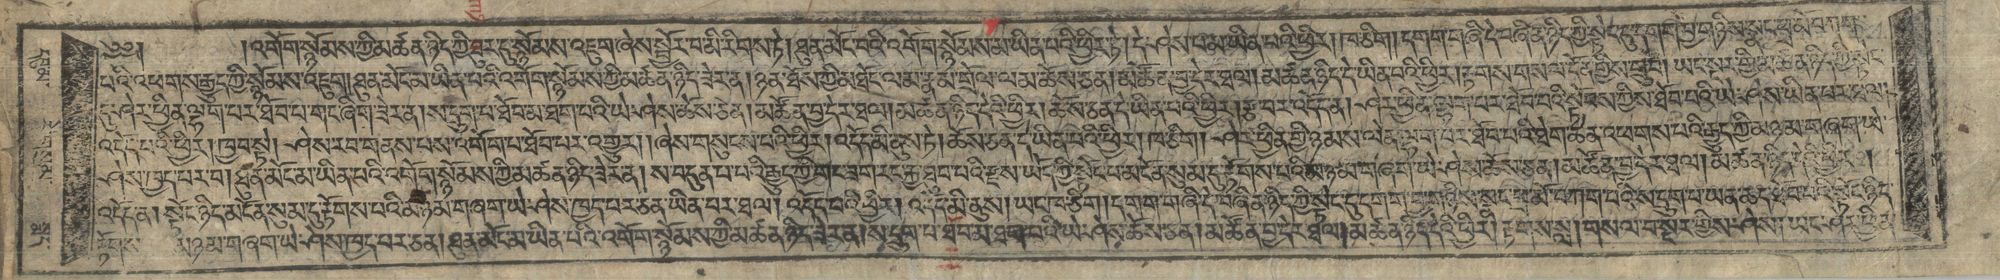༄༅། །འགོག་སྙོམས་ཀྱི་མཚན་ཉིད་ཀྱི་ཟུར་དུ་སྙོམས་འཇུག་ཞེས་སྦྱོར་བ་མི་རིགས་ཏེ། ཐུན་མོང་བའི་འགོག་སྙོམས་མ་ཡིན་པའི་ཕྱིར་ཏེ། དེ་ཤེས་པ་མ་ཡིན་པའི་ཕྱིར། ཁ་ཅིག ། དགག་གཞི་དེ་བཞིན་ཉིད་ཀྱི་སྟེང་དུ་དགག་བྱ་གཉིས་སྣང་ཕྲ་མོ་བཀག་
པའི་འཕགས་རྒྱུད་ཀྱི་སྙོམས་འཇུག ། ཐུན་མོང་མ་ཡིན་པའི་འགོག་སྙོམས་ཀྱི་མཚན་ཉིད་ཟེར་ན། ཉན་ཐོས་ཀྱི་མཐོང་ལམ་རྣམ་གྲོལ་ལམ་ཆོས་ཅན། མཚོན་བྱ་དེར་ཐལ། མཚན་ཉིད་དེ་ཡིན་པའི་ཕྱིར། རྟགས་གསལ་དོན་གྱིས་གྲུབ། ཡང་སྔར་གྱི་མཚན་ཉིད་ཀྱི་སྟེང་
དུ་ཤེར་ཕྱིན་ལྷག་པར་ཐོབ་པ་གང་ཞིག་ཟེར་ན། ས་དྲུག་པ་ཐོབ་མ་ཐག་པའི་ཡེ་ཤེས་ཆོས་ཅན། མཚོན་བྱ་དེར་ཐལ། མཚན་ཉིད་དེའི་ཕྱིར། ཆོས་ཅན་དེ་ཡིན་པའི་ཕྱིར། རྩ་བར་འདོད་ན། ཤེར་ཕྱིན་ལྷག་པར་ཐོབ་པའི་སྟོབས་ཀྱིས་ཐོབ་པའི་ཡེ་ཤེས་ཡིན་པར་ཐལ།
འདོད་པའི་ཕྱིར། ཁྱབ་སྟེ། ཤེས་རབ་གནས་པས་འགོག་པ་ཐོབ་པར་འགྱུར། །ཞེས་གསུངས་པའི་ཕྱིར། འདོད་མི་ནུས་ཏེ། ཆོས་ཅན་དེ་ཡིན་པའི་ཕྱིར། ཁ་ཅིག ། ཤེར་ཕྱིན་གྱི་ཉམས་ལེན་ལྷག་པར་ཐོབ་པའི་ཐེག་ཆེན་འཕགས་པའི་རྒྱུད་ཀྱི་མཉམ་གཞག་ཡེ་
ཤེས་ཁྱད་པར་བ། ཐུན་མོང་མ་ཡིན་པའི་འགོག་སྙོམས་ཀྱི་མཚན་ཉིད་ཟེར་ན། ས་བདུན་པ་བའི་རྒྱུད་ཀྱི་གང་ཟག་རང་རྐྱ་ཐུབ་པའི་རྫས་ཡོད་ཀྱི་སྟོང་པ་མངོན་སུམ་དུ་རྟོགས་པའི་མཉམ་གཞག་ཡེ་ཤེས་ཆོས་ཅན། མཚོན་བྱ་དེར་ཐལ། མཚན་ཉིད་དེའི་ཕྱིར།
འདོད་ན། སྟོང་ཉིད་མངོན་སུམ་དུ་རྟོགས་པའི་མཉམ་གཞག་ཡེ་ཤེས་ཁྱད་པར་ཅན་ཡིན་པར་ཐལ། འདོད་པའི་ཕྱིར། འདོད་མི་ནུས། ཡང་ཁ་ཅིག ། དགག་གཞི་དེ་བཞིན་ཉིད་ཀྱི་སྟེང་དུ་དགག་བྱ་གཉིས་སྣང་ཕྲ་མོ་བཀག་པའི་ས་དྲུག་པ་ཡན་ཆད་ཐོབ་པའི་སྟོང་ཉིད་
རྟོགས་པའི་མཉམ་གཞག་ཡེ་ཤེས་ཁྱད་པར་ཅན། ཐུན་མོང་མ་ཡིན་པའི་འགོག་སྙོམས་ཀྱི་མཚན་ཉིད་ཟེར་ན། ས་དྲུག་པ་ཐོབ་མ་ཐག་པའི་ཡེ་ཤེས་ཆོས་ཅན། མཚོན་བྱ་དེར་ཐལ། མཚན་ཉིད་དེའི་ཕྱིར། རྟགས་སླ། གསལ་བ་སྔར་གྱིས་ཤེས། ཡང་ཤེར་ཕྱིན་